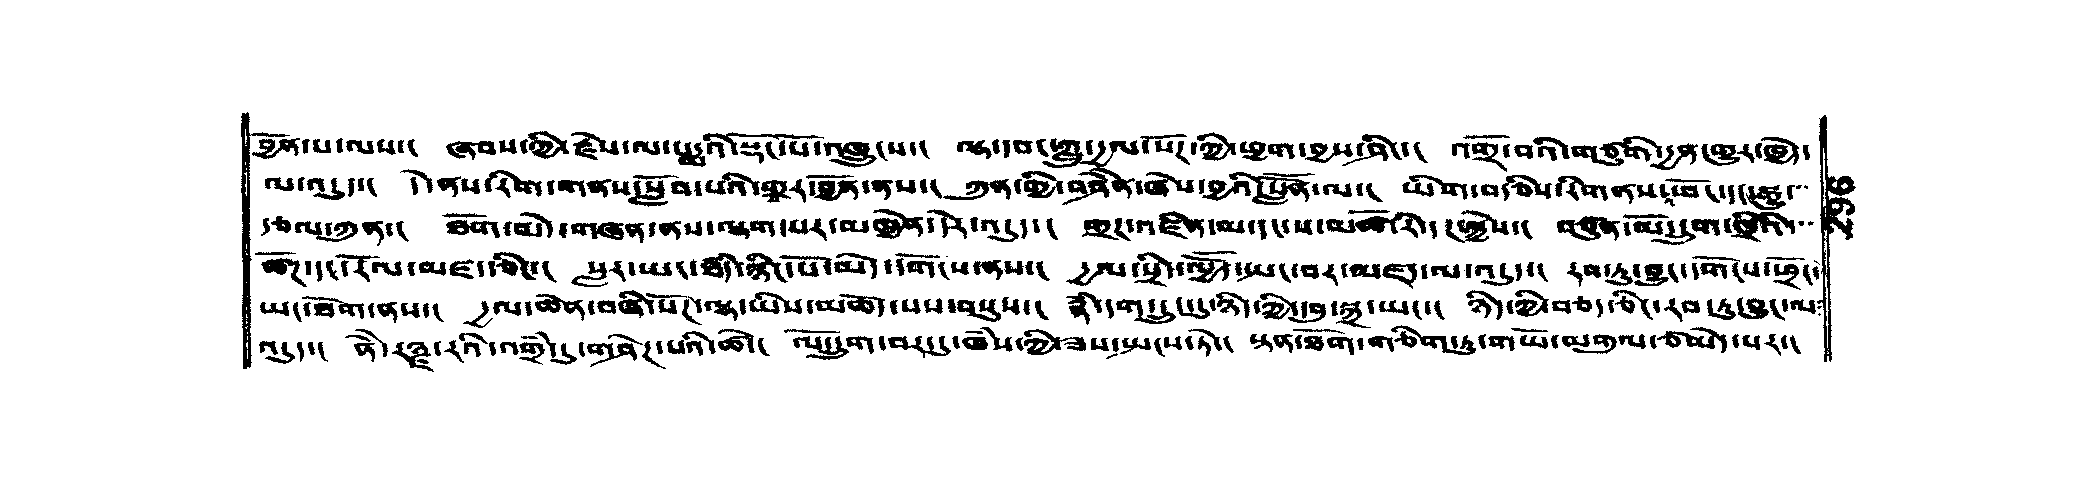བྱོན་ལ་ལས། །ཞབས་ཀྱི་རྗེས་ལ་པདྨའི་སྡོང་པོ་འཁྲུངས། །ལྷ་དབང་ཀླུ་རྒྱལ་སོགས་ཀྱི་ཕྱག་བྱས་ཤིང་། །འགྲོ་བའི་གཙུག་གི་རྒྱན་གྱུར་ཁྱེད་
ལ་འདུད། །དེ་ནས་རིག་གནས་སློབ་པའི་གྲྭར་བྱོན་ནས། །ཀུན་གྱི་བཤེས་གཉེན་ཞེས་བྱའི་སློབ་དཔོན་ལ། །ཡིག་བརྩིས་རིག་གནས་འཕོང་དང་སྒྱུ་
རྩལ་ཀུན། །ཐོགས་མེད་གཞན་ནས་ལྷག་པར་མཁྱེན་དེར་འདུད། །གྲགས་འཛིན་མ་དང་ས་མཚོ་རི་དྭགས་སྐྱེས། །བཙུན་མོ་དྲུག་ཁྲིའི་
ཚོགས་དང་རོལ་མཛད་ཅིང་། །སླར་ཡང་ཐམས་ཅད་སྙིང་པོ་མེད་དགོངས་ནས། །རྒྱལ་སྲིད་ལོངས་སྤྱོད་སྤངས་བར་མཛད་ལ་འདུད། །རབ་ཏུ་བྱུང་དགོངས་ཕོ་བྲང་
ཡང་ཐོག་ནས། །རྒྱལ་ཆེན་བཞི་སོགས་ལྷ་ཡིས་མཆོད་པས་བསུས། །རྣམ་དག་དྲུང་དུ་ཉིད་ཀྱི་དབུ་སྐྲ་ཡང་། །ཉིད་ཀྱི་བཅད་ཅིང་རབ་ཏུ་བྱུང་ལ་
འདུད། ནཻརཉྫཱ་ནའི་འགྲམ་དུ་གཤེགས་པའི་ཚེ། །ལོ་དྲུག་བར་དུ་ཁམས་ཀྱི་ཟས་སྤངས་ཏེ། །སྟན་ཐོག་གཅིག་ཏུ་གཡོ་མགུལ་ཙམ་མེད་པར།